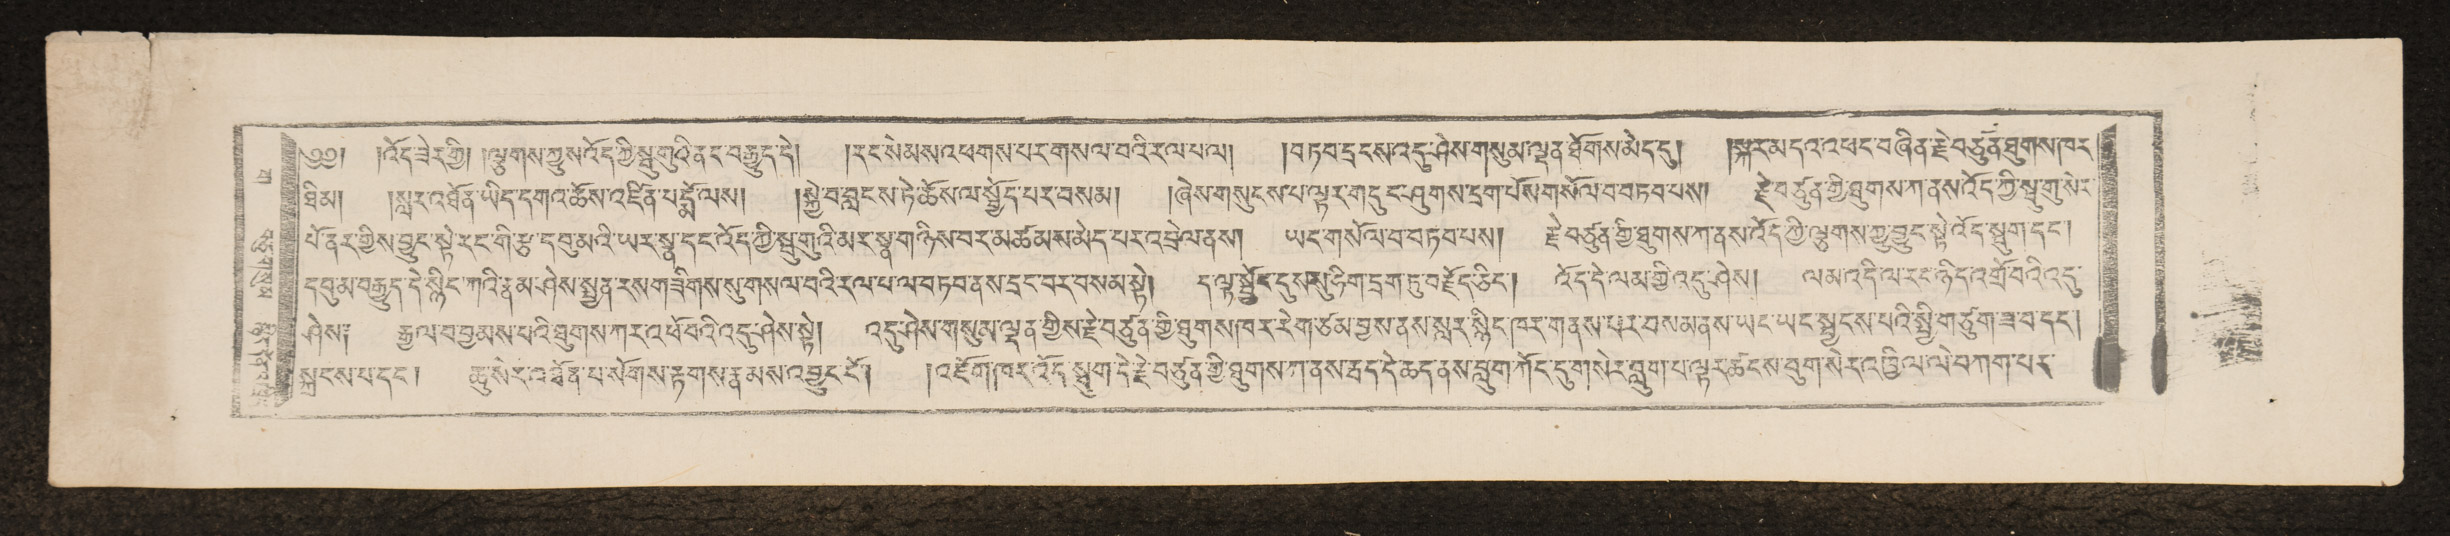༄༅། །འོད་ཟེར་གྱི། །ལྕགས་ཀྱུས་འོད་ཀྱི་སྤུ་གུའི་ནང་བརྒྱུད་དེ། །རང་སེམས་འཕགས་པར་གསལ་བའི་རལ་པ་ལ། །བཏབ་དྲངས་འདུ་ཤེས་གསུམ་ལྡན་ཐོགས་མེད་དུ། །སྐར་མདའ་འཕད་བཞིན་རྗེ་བཙུན་ཐུགས་ཁར་
ཐིམ། །སླར་འཐོན་ཡིད་དགའ་ཆོས་འཛིན་པདམོ་ལས། །སྐྱེ་བ་བླངས་ཏེ་ཆོས་ལ་སྤྱོད་པར་བསམ། །ཞེས་གསུངས་པ་ལྟར་གདུང་ཤུགས་དྲག་པོས་གསོལ་བ་བཏབ་པས། རྗེ་བཙུན་གྱི་ཐུགས་ཀ་ནས་འོད་ཀྱི་སྤུ་གུ་སེར་
པོ་ནར་གྱིས་བྱུང་སྟེ་རང་གི་རྩ་དབུ་མའི་ཡར་སྣ་དང་འོད་ཀྱི་སྤུ་གུའི་མར་སྣ་གཉིས་བར་མཚམས་མེད་པར་འབྲེལ་ནས། ཡང་གསོལ་བ་བཏབ་པས། རྗེ་བཙུན་གྱི་ཐུགས་ཀ་ནས་འོད་ཀྱི་ལྕགས་ཀྱུ་ཡུང་སྟེ་འོད་སྦུག་དང་།
དབུ་མ་བརྒྱུད་དེ་སྙིང་ཀའི་རྣམ་ཤེས་སྤྱན་རས་གཟིགས་སུ་གསལ་བའི་རལ་པ་ལ་བཏབ་ནས་དྲང་བར་བསམ་སྟེ། ད་ལྟ་སྦྱོང་དུས་སུ་ཧིག་དྲག་ཏུ་བརྗོད་ཅིང་། འོད་དེ་ལམ་གྱི་འདུ་ཤེས། ལམ་འདི་ལ་རང་ཉིད་འགྲོ་བའི་འདུ་
ཤེས༑ རྒྱལ་བ་བྱམས་པའི་ཐུགས་ཀར་འཕོ་བའི་འདུ་ཤེས་སྟེ། འདུ་ཤེས་གསུམ་ལྡན་གྱིས་རྗེ་བཙུན་གྱི་ཐུགས་ཁར་རེག་ཙམ་བྱས་ནས་སླར་སྙིང་ཁར་གནས་ཐ?ཨར་བསམ་ནས་ཡང་ཡང་སྦྱངས་པའི་སྤྱི་གཙུག་ཟ་བ་དང་།
སྐྲངས་པ་དང་། ཆུ་སར་འཐོན་པ་སོགས་རྟགས་རྣམས་འབྱུང་ངོ། །འཇོག་ཁར་འོད་སྦུག་དེ་རྗེ་བཙུན་གྱི་ཐུགས་ཀ་ནས་རྦད་དེ་ཆད་ནས་བླུག་ཀོང་དུ་གསེར་བླུག་པ་ལྟར་ཚངས་བུག་སེར་འཁྱིལ་ལེ་བཀག་པར་